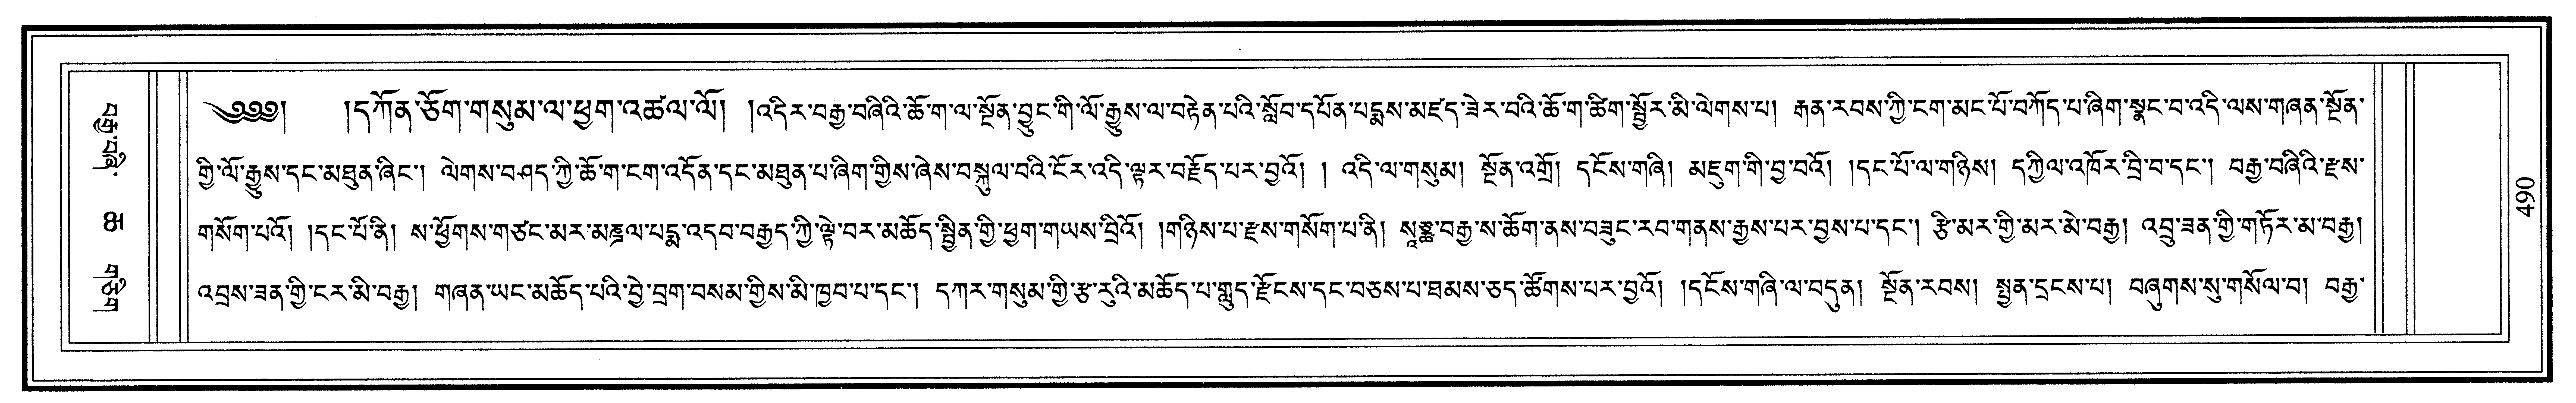༄༅༅། །དཀོན་ཅོག་གསུམ་ལ་ཕྱག་འཚལ་ལོ། །འདིར་བརྒྱ་བཞིའི་ཆོ་ག་ལ་སྔོན་བྱུང་གི་ལོ་རྒྱུས་ལ་བརྟེན་པའི་སློབ་དཔོན་པདམས་མཛད་ཟེར་བའི་ཆོ་ག་ཚིག་སྦྱོར་མི་ལེགས་པ། རྒན་རབས་ཀྱི་ངག་མང་པོ་བཀོད་པ་ཞིག་སྣང་བ་འདི་ལས་གཞན་སྔོན་
གྱི་ལོ་རྒྱུས་དང་མཐུན་ཞིང་། ལེགས་བཤད་ཀྱི་ཆོ་ག་ངག་འདོན་དང་མཐུན་པ་ཞིག་གྱིས་ཞེས་བསྐུལ་བའི་ངོར་འདི་ལྟར་བརྗོད་པར་བྱའོ། །འདི་ལ་གསུམ། སྔོན་འགྲོ། དངོས་གཞི། མཇུག་གི་བྱ་བའོ། །དང་པོ་ལ་གཉིས། དཀྱིལ་འཁོར་བྲི་བ་དང་། བརྒྱ་བཞིའི་རྫས་
གསོག་པའོ། །དང་པོ་ནི། ས་ཕྱོགས་གཙང་མར་མཎྜལ་པདམ་འདབ་བརྒྱད་ཀྱི་ལྟེ་བར་མཆོད་སྦྱིན་གྱི་ཕྱག་གཡས་བྲིའོ། །གཉིས་པ་རྫས་གསོག་པ་ནི། སཱཙྪ་བརྒྱ་ས་ཆོག་ནས་བཟུང་རབ་གནས་རྒྱས་པར་བྱས་པ་དང་། རྩི་མར་གྱི་མར་མེ་བརྒྱ། འབྲུ་ཟན་གྱི་གཏོར་མ་བརྒྱ།
འབྲས་ཟན་གྱི་ངར་མི་བརྒྱ། གཞན་ཡང་མཆོད་པའི་བྱེ་བྲག་བསམ་གྱིས་མི་ཁྱབ་པ་དང་། དཀར་གསུམ་གྱི་རྩ་རུའི་མཆོད་པ་གླུད་རྫོངས་དང་བཅས་པ་ཐམས་ཅད་ཚོགས་པར་བྱའོ། །དངོས་གཞི་ལ་བདུན། སྔོན་རབས། སྤྱན་དྲངས་པ། བཞུགས་སུ་གསོལ་བ། བརྒྱ་